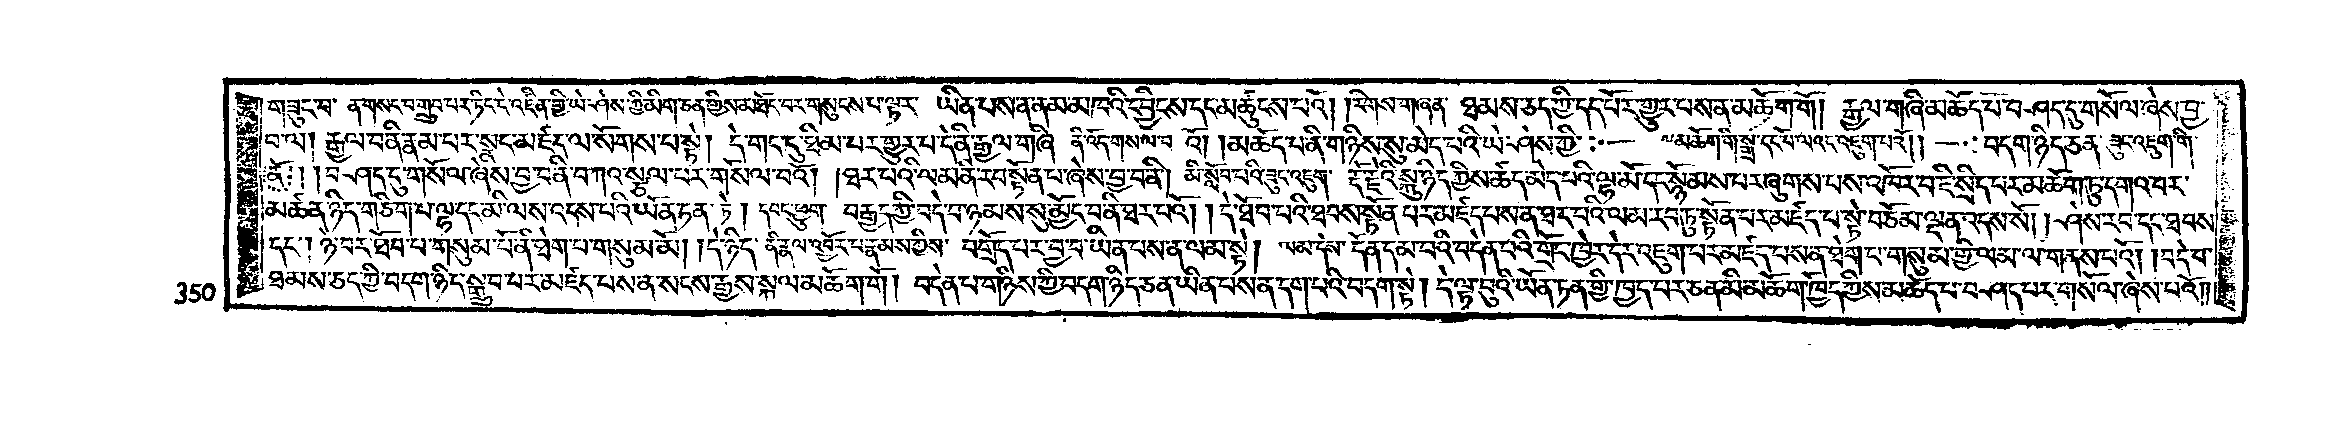གཟུང་བ་ན་གསང་བ་གྲུབ་པར་ཏིང་ངེ་འཛིན་གྱི་ཡེ་ཤེས་ཀྱི་མིག་ཅན་གྱིས་མཐོང་བར་གསུངས་པ་ལྟར་ཡིན་པས་ནམ་མཁའི་དབྱིངས་དང་མཚུངས་པའོ། ། རིགས་གཞན་ཐམས་ཅད་ཀྱི་དང་པོར་གྱུར་པས་ན་མཆོག་གོ །རྒྱལ་གཞི་མཆོད་པ་བཤད་དུ་གསོལ་ཞེས་བྱ་
བ་ལ། རྒྱལ་བ་ནི་རྣམ་པར་སྣང་མཛད་ལ་སོགས་པ་སྟེ། དེ་གང་དུ་ཐིམ་པར་གྱུར་པ་དེ་ནི་རྒྱལ་གཞི་ནི་འོད་གསལ་བའོ། །མཆོད་པ་ནི་གཉིས་སུ་མེད་པའི་ཡེ་ཤེས་ཀྱི་H.་༧མཆོག་གི་སྒྲ་དང་པོ་ལའང་འཇུག་པའོ།།.H བདག་ཉིད་ཅན་ཟུང་འཇུག་གོ་
ནོ། །བཤད་དུ་གསོལ་ཞེས་བྱ་བ་ནི་བཀའ་སྩལ་བར་གསོལ་བའོ། །ཐར་པའི་ལམ་ནི་རབ་སྟོན་པ་ཞེས་བྱ་བ་ནི། མི་སློབ་པའི་ཟུང་འཇུག་རྡོ་རྗེའི་སྐུ་ཉིད་ཀྱིས་ཚད་མེད་པའི་ལྷ་མོ་དང་སྙོམས་པར་ཞུགས་པས་འཁོར་བ་ཇི་སྲིད་པར་མཆོག་ཏུ་དགའ་བར་
མཚན་ཉིད་གཅིག་པ་ལྷ་དང་མི་ལས་འདས་པའི་ཡོན་ཏན་ཏེ། དབང་ཕྱུག་བརྒྱད་ཀྱི་བདེ་བ་ཉམས་སུ་མྱོང་བ་ནི་ཐར་པའོ། །དེ་ཐོབ་པའི་ཐབས་སྟོན་པར་མཛད་པས་ན་ཐར་པའི་ལམ་རབ་ཏུ་སྟོན་པ་མཛད་པ་སྟེ་བཅོམ་ལྡན་འདས་སོ། །ཤེས་རབ་དང་ཐབས་
དང་། ཉེ་བར་ཐོབ་པ་གསུམ་པོ་ནི་ཐེག་པ་གསུམ་མོ། །དེ་ཉིད་ནི་རྣལ་འབྱོར་བ་རྣམས་ཀྱིས་བགྲོད་པར་བྱ་བ་ཡིན་པས་ན་ལམ་སྟེ། ལམ་དེས་དོན་དམ་པའི་བདེན་པའི་གྲོང་ཁྱེར་དེར་འཇུག་པར་མཛད་པས་ན་ཐེག་པ་གསུམ་གྱི་ལམ་ལ་གནས་པའོ། །བདེ་བ་
ཐམས་ཅད་ཀྱི་བདག་ཉིད་སྒྲུབ་པར་མཛད་པས་ན་སངས་རྒྱས་སྐལ་མཆོག་གོ །བདེན་པ་གཉིས་ཀྱི་བདག་ཉིད་ཅན་ཡིན་པས་ན་དག་པའི་བདག་སྟེ། དེ་ལྟ་བུའི་ཡོན་ཏན་གྱི་ཁྱད་པར་ཅན་མི་མཆོག་ཁྱོད་ཀྱིས་མཆོད་པ་བཤད་པར་གསོལ་ཞེས་པའོ།།